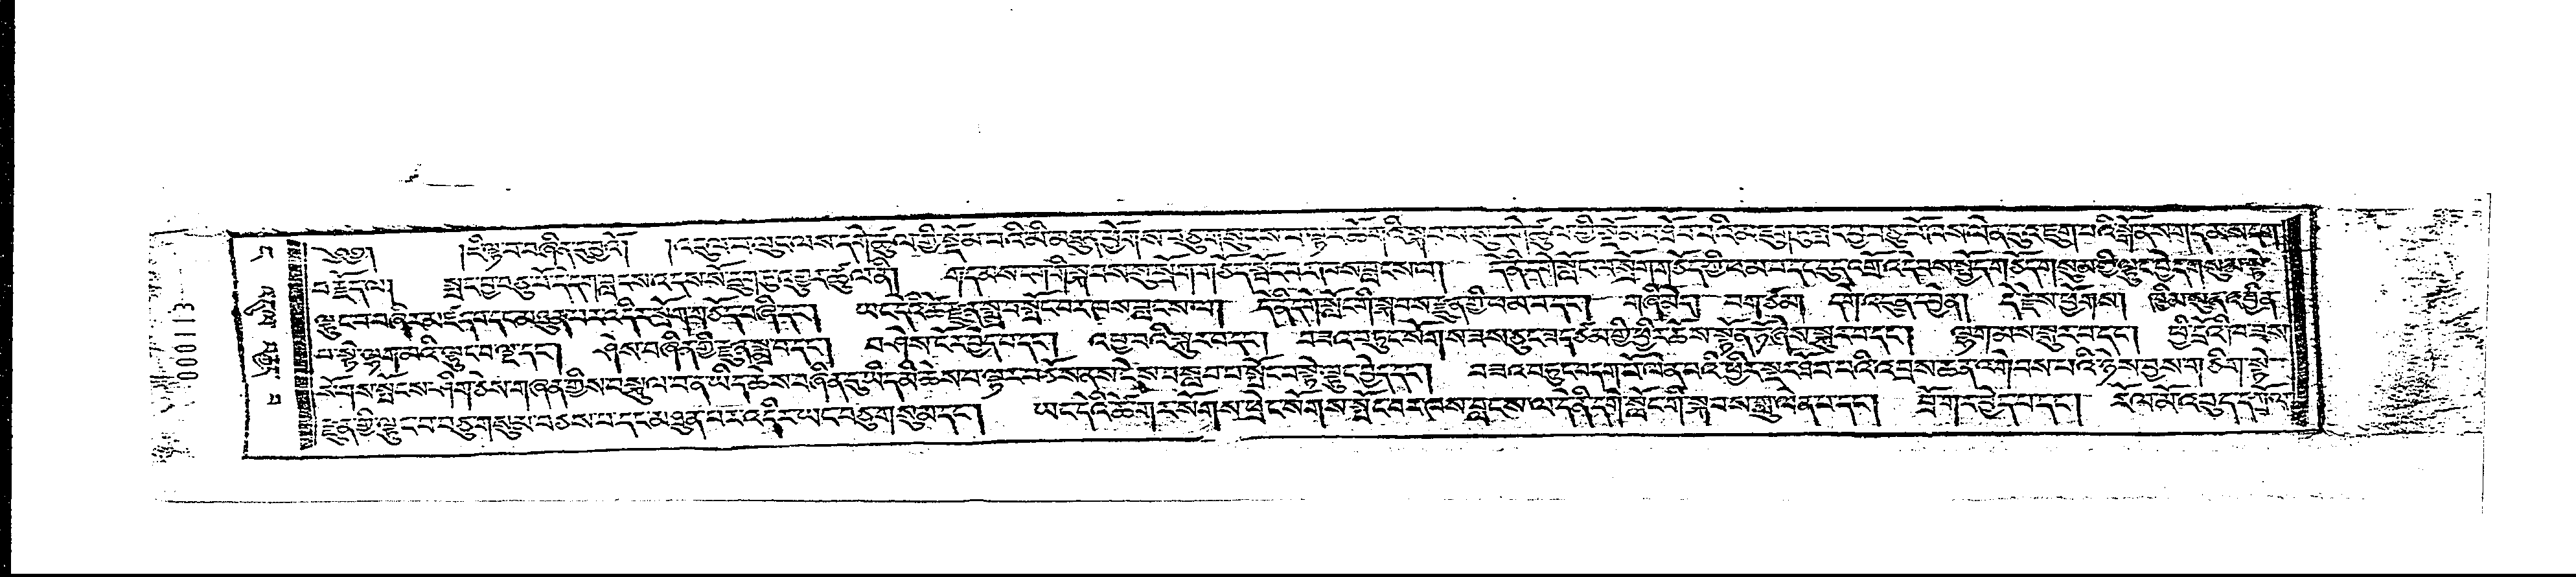༄༅། །ཇི་ལྟ་བ་བཞིན་དུ་བྱའོ། །འདུལ་བ་ལུང་ལས་དགེ་ཚུལ་གྱི་སྡོམ་པའི་མི་མཐུན་ཕྱོགས་བཅུ་གསུངས་པ་ལྟར་ཆོ་གའི་སྐབས་སུ་དགེ་ཚུལ་གྱི་སྡོམ་པ་ཐོབ་པའི་མཇུག་ཏུ་སྤང་བྱ་བཅུ་པོ་ཁས་ལེན་དུ་འཇུག་པའི་སྒོ་ནས་གདམས་ངག་
བརྗོད་ལ། སྤང་བྱ་བཅུ་པོ་དེ་དག་བླངས་འདས་སོ་དྲུག་ཏུ་འགྱུར་ཚུལ་ནི། གདམས་ངག་གི་སྐབས་སུ་སྲོག་གཅོད་སྤོང་བར་ཁས་བླངས་པ། དེ་ནི་དགེ་སློང་ལ་སྲོག་གཅོད་ཀྱི་ཕམ་པ་དང་དུད་འགྲོ་འདེབས་སྤྱོད་གཅོད་གསུམ་གྱི་ལྟུང་བྱེད་གསུམ་སྟེ་
ལྟུང་བ་བཞིར་མཛད་པ་དང་མཐུན་པར་འདིར་སྲོག་གཅོད་བཞི་དང་། ཡང་དེའི་ཚེ་རྫུན་སྨྲ་བ་སྤོང་བར་ཁས་བླངས་ལ། དེ་ནི་དགེ་སློང་གི་སྐབས་རྫུན་གྱི་ཕམ་པ་དང་། གཞི་མེད། བག་ཙམ། དགེ་འདུན་དབྱེ་ན། དེ་རྗེས་ཕྱོགས། ཁྱིམ་སུན་འབྱིན་
པ་སྟེ་ལྷག་མའི་ལྟུང་བ་ལྔ་དང་། ཤེས་བཞིན་གྱི་རྫུན་སྨྲ་བ་དང་། བཤེས་ངོར་བྱེད་པ་དང་། འཕྱ་བའི་སྐུར་བ་དང་། བཟའ་བཏུང་སོགས་ཟས་ཅུང་ཟད་ཙམ་གྱི་ཕྱིར་ཆོས་སྟོན་ཏོ་ཞེས་སྐུར་བ་དང་། ལྷག་མས་སྐུར་བ་དང་། ཕྱི་དྲོའི་ཁ་ཟས་
སོགས་སྤོངས་ཤིག་ཅེས་གཞན་གྱིས་བསྐུལ་བ་ན་ཡིད་ཆེས་བཞིན་དུ་ཡིད་མི་ཆེས་པ་ལྟར་བཅོས་ནས་ངེས་བསླབ་པ་སྤོང་བ་སྟེ་ལྟུང་བྱེད་དང་། བཟའ་བཏུང་བདག་པོ་ལེན་པའི་ཕྱིར་སྔར་ཐོབ་པའི་འབྲས་ཆན་འགེབས་པའི་ཉེས་བྱས་གཅིག་སྟེ་
རྫུན་གྱི་ལྟུང་བ་བཅུ་གསུམ་བཅས་པ་དང་མཐུན་པར་འདིར་ཡང་བཅུ་གསུམ་དང་། ཡང་དེའི་ཚེ་གར་སོགས་ཕྲེང་སོགས་སྤོང་བར་ཁས་བླངས་ལ་དེ་ནི་དགེ་སློང་གི་སྐབས་གླུ་ལེན་པ་དང་། བྲོ་གར་བྱེད་པ་དང་། རོལ་མོ་འབུད་དཀྲོལ་